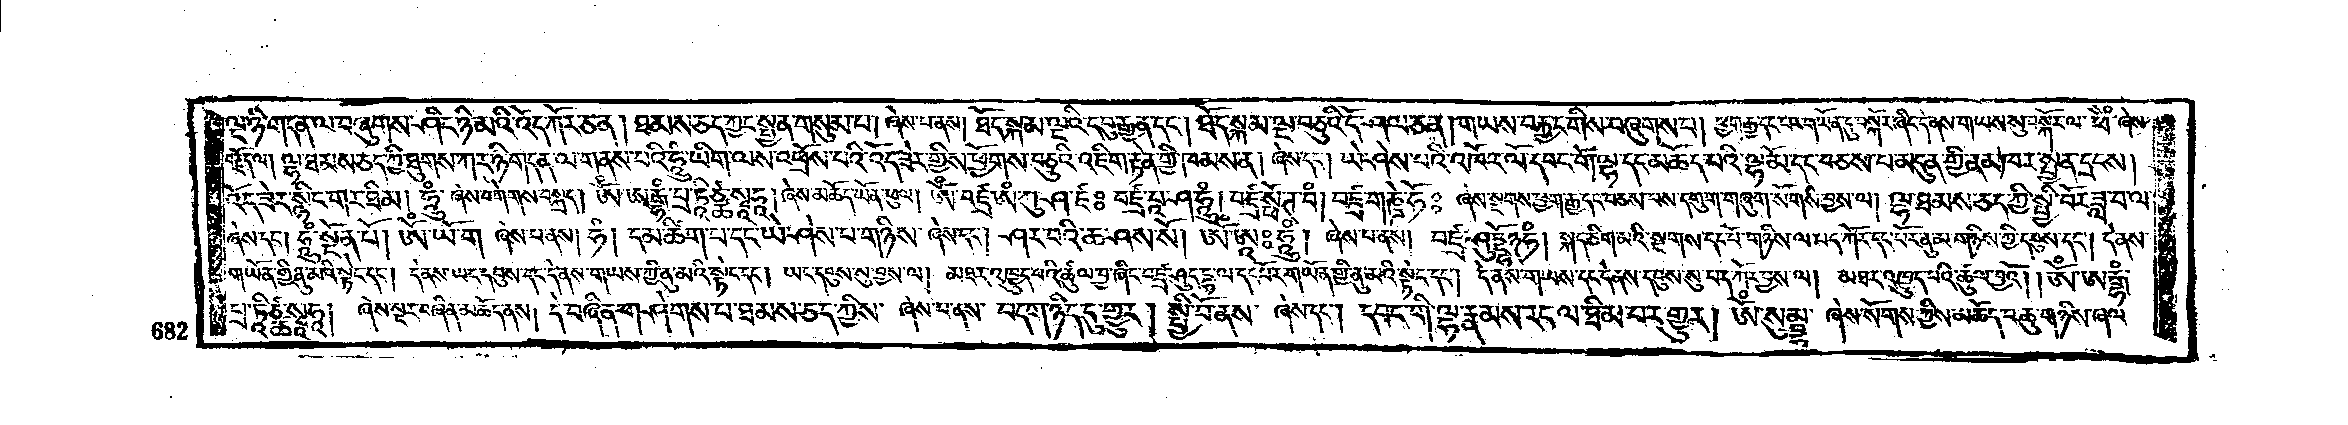ལྔ་ཉི་གདན་ལ་བཞུགས་ཤིང་ཉི་མའི་འོད་ཀོར་ཅན། ཐམས་ཅད་ཀྱང་སྤྱན་གསུམ་པ། ཞེས་པ་ནས།  ཐོད་སྐམ་ལྔའི་དབུ་རྒྱན་དང་། ཐོད་སྐམ་ལྔ་བཅུའི་དོ་ཤལ་ཅན། གཡས་བརྐྱང་གིས་བཞུགས་པ། ཕྱག་རྒྱ་དང་པོར་གཡོན་དུ་བསྐོར་ཞིང་དེ་ནས་གཡས་སུ་བསྐོར་ལ་ཕཻཾ་ཞེས་
བརྗོད་ལ། ལྷ་ཐམས་ཅད་ཀྱི་ཐུགས་ཀར་ཉི་གདན་ལ་གནས་པའི་ཧཱུཾ་ཡིག་ལས་འཕྲོས་པའི་འོད་ཟེར་གྱིས་ཕྱོགས་བཅྱཱི་འཇིག་རྟེན་གྱི་ཁམས་ན། ཞེས་དང་།  ཡེ་ཤེས་པའི་འཁོར་ལོ་དབང་གི་ལྷ་དང་མཆོད་པའི་ལྷ་མོ་དང་བཅས་པ་མདུན་གྱི་ནམ་མཁར་སྤྱན་དྲངས།
འོད་ཟེར་སྙིང་གར་ཐིམ། ཧཱུཾ་ཞེས་བགེགས་བསྐྲད།  ཨོཾ་ཨརྒྷཾ་པྲ་ཏཱི་ཙྪ་སྭཱཧཱ། ཞེས་མཆོད་ཡོན་ཕུལ།  ཨོཾ་བཛྲ་ཨཾ་ཀུ་ཤ་ཛཿ བཛྲ་པཱ་ཤཧཱུཾ། བཛྲ་སྥོ་ཊ་བཾ། བཛྲ་གཎྜེ་ཧོཿ ཞེས་སྔགས་ཕྱག་རྒྱ་དང་བཅས་པས་དགུག་གཞུག་སོགས་བྱས་ལ།  ལྷ་ཐམས་ཅད་ཀྱི་སྤྱི་བོར་ཟླ་བ་ལ་
ཞེས་དང་།  ཧཱུཾ་སྔོན་པོ། ཨོཾ་ཡོ་ག་ཞེས་པ་ནས།  ཧཾ། དམ་ཚིག་པ་དང་ཡེ་ཤེས་པ་གཉིས་ཞེས་དང་།  ཤར་བའི་ཆ་ཤས་སོ། ཨོཾ་ཨཱཿ ཧཱུཾ། ཞེས་པ་ནས།  བཛྲ་ཤུདྡྷོཉཧཾ། སྐད་ཅིག་མའི་སྔགས་དང་པོ་གཉིས་ལ་པད་ཀོར་དང་པོར་ནུ་མ་གཉིས་ཀྱི་དབུས་དང་། དེ་ནས་
གཡོན་གྱི་ནུ་མའི་སྟེང་དང་། དེ་ནས་ཡང་དབུས་དང་དེ་ནས་གཡས་ཀྱི་ནུ་མའི་སྟེང་དང་། ཡང་དབུས་སུ་བྱས་ལ། མཐར་འཁྱུད་པའི་ཚུལ་བྱ་ཞིང་བཛྲ་ཤུད་དྷ་ལ་དང་པོར་གཡོན་གྱི་ནུ་མའི་སྟེང་དང་། དེ་ནས་གཡས་དང་དེ་ནས་དབུས་སུ་པད་ཀོར་བྱས་ལ། མཐར་འཁྱུད་པའི་ཚུལ་བྱའོ། །ཨོཾ་ཨརྒྷཾ་
པྲ་ཏཱི་ཙྪ་སྭཱཧཱ། ཞེས་སྔར་བཞིན་མཆོད་ནས།  དེ་བཞིན་གཤེགས་པ་ཐམས་ཅད་ཀྱིས་ཞེས་པ་ནས་བདག་ཉིད་དུ་གྱུར། སྤྱི་བོ་ནས། ཞེས་དང་།  དབང་གི་ལྷ་རྣམས་རང་ལ་ཐིམ་པར་གྱུར། ཨོཾ་སུམྦྷ་ཞེས་སོགས་ཀྱིས་མཆོད་པ་ཆུ་གཉིས་ཞལ་